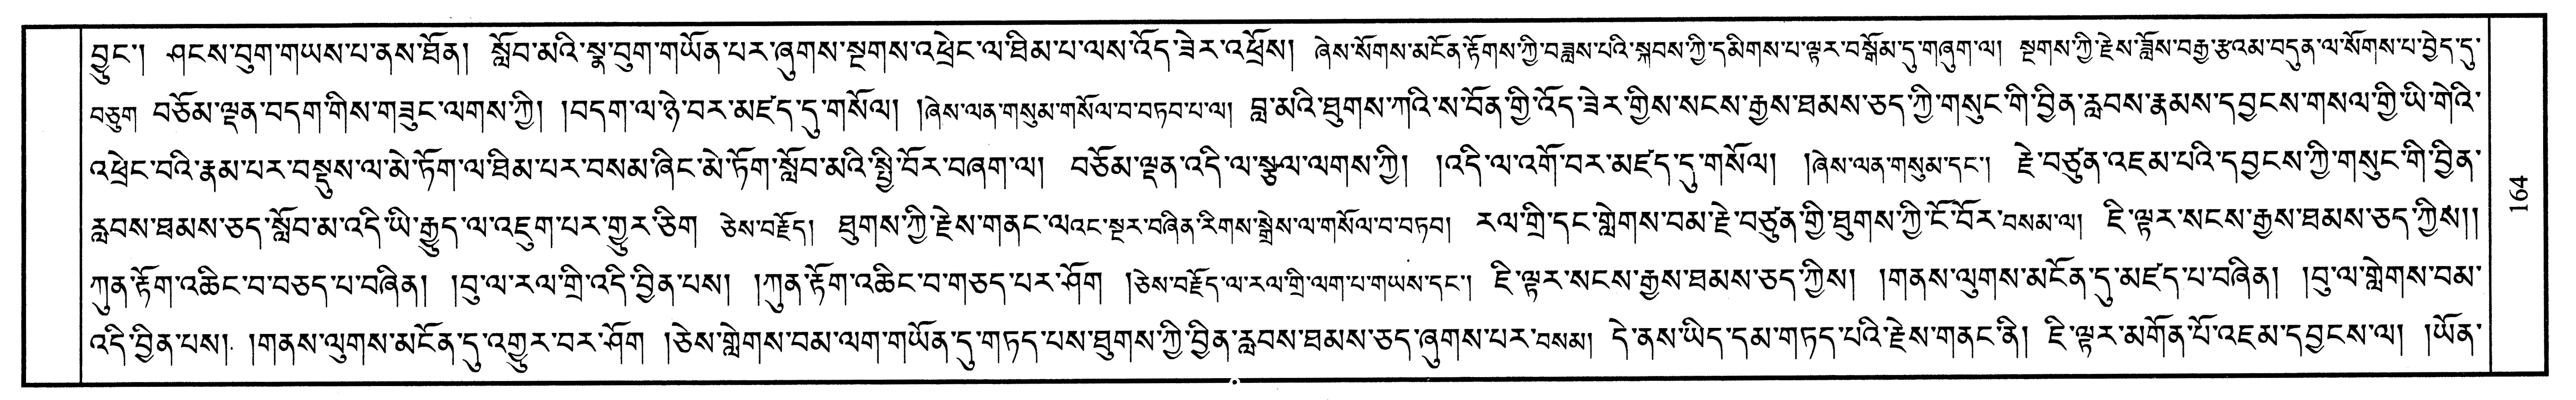བྱུང་། ཤངས་བུག་གཡས་པ་ནས་ཐོན། སློབ་མའི་སྣ་བུག་གཡོན་པར་ཞུགས་སྔགས་འཕྲེང་ལ་ཐིམ་པ་ལས་འོད་ཟེར་འཕྲོས། ཞེས་སོགས་མངོན་རྟོགས་ཀྱི་བཟླས་པའི་སྐབས་ཀྱི་དམིགས་པ་ལྟར་བསྒོམ་དུ་གཞུག་ལ། སྔགས་ཀྱི་རྗེས་ཟློས་བརྒྱ་རྩའམ་བདུན་ལ་སོགས་པ་བྱེད་དུ་
བཅུག་བཅོམ་ལྡན་བདག་གིས་གཟུང་ལགས་ཀྱི། བདག་ལ་ཉེ་བར་མཛད་དུ་གསོལ། །ཞེས་ལན་གསུམ་གསོལ་བ་བཏབ་པ་ལ། བླ་མའི་ཐུགས་ཀའི་ས་བོན་གྱི་འོད་ཟེར་གྱིས་སངས་རྒྱས་ཐམས་ཅད་ཀྱི་གསུང་གི་བྱིན་རླབས་རྣམས་དབྱངས་གསལ་གྱི་ཡི་གེའི་
འཕྲེང་བའི་རྣམ་པར་བསྡུས་ལ་མེ་ཏོག་ལ་ཐིམ་པར་བསམ་ཞིང་མེ་ཏོག་སློབ་མའི་སྤྱི་བོར་བཞག་ལ། བཅོམ་ལྡན་འདི་ལ་སྩལ་ལགས་ཀྱི། །འདི་ལ་འགོ་བར་མཛད་དུ་གསོལ། །ཞེས་ལན་གསུམ་དང་། རྗེ་བཙུན་འཇམ་པའི་དབྱངས་ཀྱི་གསུང་གི་བྱིན་
རླབས་ཐམས་ཅད་སློབ་མ་འདི་ཡི་རྒྱུད་ལ་འཇུག་པར་གྱུར་ཅིག་ཅེས་བརྗོད། ཐུགས་ཀྱི་རྗེས་གནང་ལའང་སྔར་བཞིན་རིགས་སྒྲེས་ལ་གསོལ་བ་བཏབ། རལ་གྲི་དང་གླེགས་བམ་རྗེ་བཙུན་གྱི་ཐུགས་ཀྱི་ངོ་བོར་བསམ་ལ། ཇི་ལྟར་སངས་རྒྱས་ཐམས་ཅད་ཀྱིས།།
ཀུན་རྟོག་འཆིང་བ་བཅད་པ་བཞིན། །བུ་ལ་རལ་གྲི་འདི་བྱིན་པས། །ཀུན་རྟོག་འཆིང་བ་གཅད་པར་ཤོག །ཅེས་བརྗོད་ལ་རལ་གྲི་ལག་པ་གཡས་དང་། ཇི་ལྟར་སངས་རྒྱས་ཐམས་ཅད་ཀྱིས། །གནས་ལུགས་མངོན་དུ་མཛད་པ་བཞིན། །བུ་ལ་གླེགས་བམ་
འདི་བྱིན་པས། །གནས་ལུགས་མངོན་དུ་འགྱུར་བར་ཤོག །ཅེས་གླེགས་བམ་ལག་གཡོན་དུ་གཏད་པས་ཐུགས་ཀྱི་བྱིན་རླབས་ཐམས་ཅད་ཞུགས་པར་བསམ། དེ་ནས་ཡིད་དམ་གཏད་པའི་རྗེས་གནང་ནི། ཇི་ལྟར་མགོན་པོ་འཇམ་དབྱངས་ལ། ཡོན་